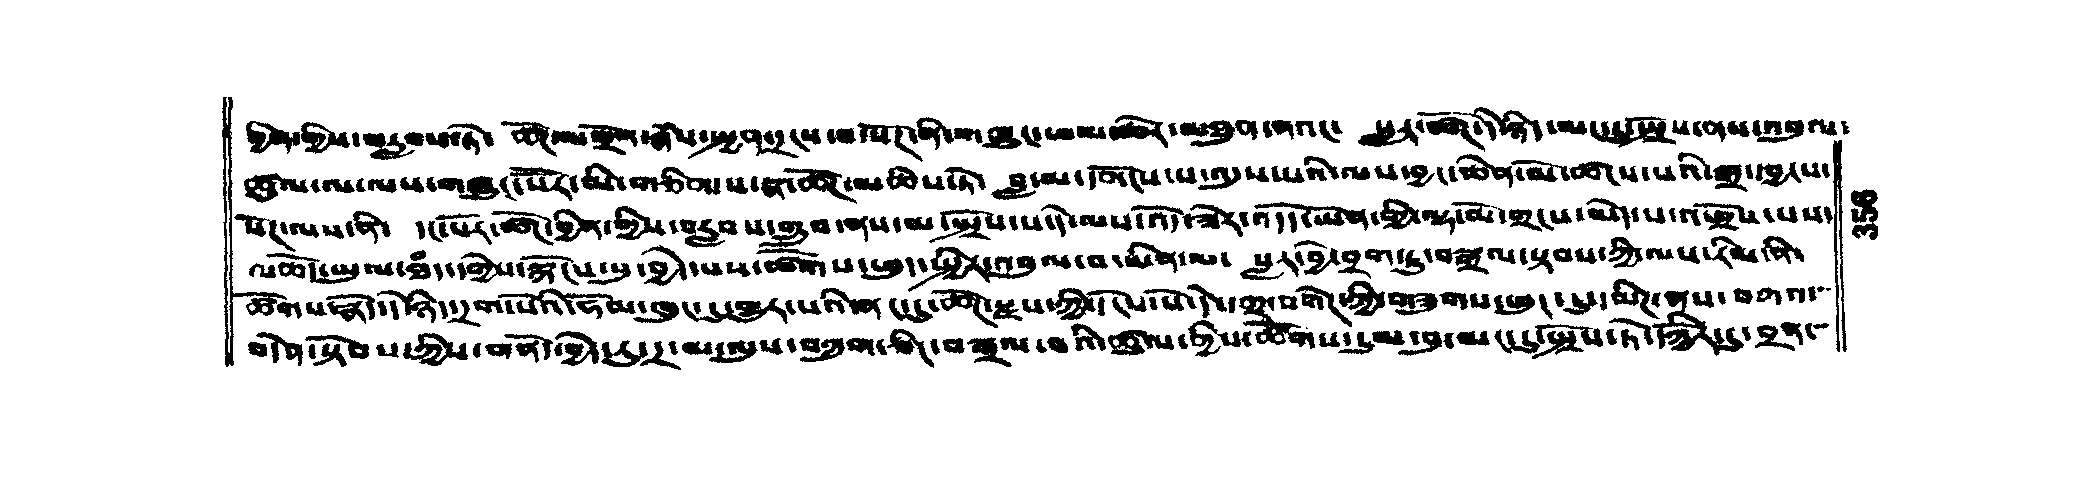གྱིས་བརླབ་སྟེ། ཚོགས་མགྲོན་རྣམས་སྤྱན་དྲངས་བ་སོགས་ནི་གཞུང་ཕལ་ཆེར་མཐུན་ནའང་། སླར་ཚོགས་དེ་ཉིད་མང་དུ་སྤྲོས་ནས་འབུལ་
ཚུལ་་ལ་ལས་གཞུང་སོ་སོར་མི་གཅིག་པ་སྣ་ཚོགས་མཆིས་ཏེ། བླ་མ་དགོངས་པ་འདུས་པའི་ལས་བྱང་ཆེན་མོ་ཚངས་པའི་སྒྲ་དབྱངས་
སོགས་ལས་ནི། དང་པོར་ཚོགས་བྱིན་གྱིས་བརླབས་གྲུབ་ནས་མ་སྤྲོས་པ་དེ་ལས་འོད་་ཟེར་འདོད་ཡོན་གྱི་ལྷ་མོ་གྲངས་མེད་པ་འཕྲོས་པས་
མཆོད་ཡུལ་ཐམས་ཅད་དགྱེས་སྐོངས་སུ་བྱེད་པས་ཚོགས་ཕུད་སྤྱིར་འབུལ་བ་ཡིན་ལ། སླར་བྱེ་བྲག་ཏུ་བསྒྲལ་སྟབས་ཀྱི་ལས་རིམ་ནི་
ཚོགས་སྣོད་དེ་ཉིད་དྲག་པོའི་ཧོམ་ཁུང་དུ་གྱུར་པའི་ནང་དུ་ཚོགས་རྫས་ཀྱི་དངོས་པོ་དེ་དགྲ་བགེགས་ཀྱི་གཟུགས་ཕུང་དུ་དམིགས་ནས། བཀའ་
བདེན་སྟོབས་ཀྱིས་གནོད་བྱེད་རུ་ཊ་མ་ལུས་བཀུག་ཅིང་བསྒྲལ་བའི་ཚུལ་གྱིས་ཚོགས་དུམ་བུ་མང་དུ་སྤྲོས་ཏེ་དཀྱིལ་འཁོར་དུ་བྲན་